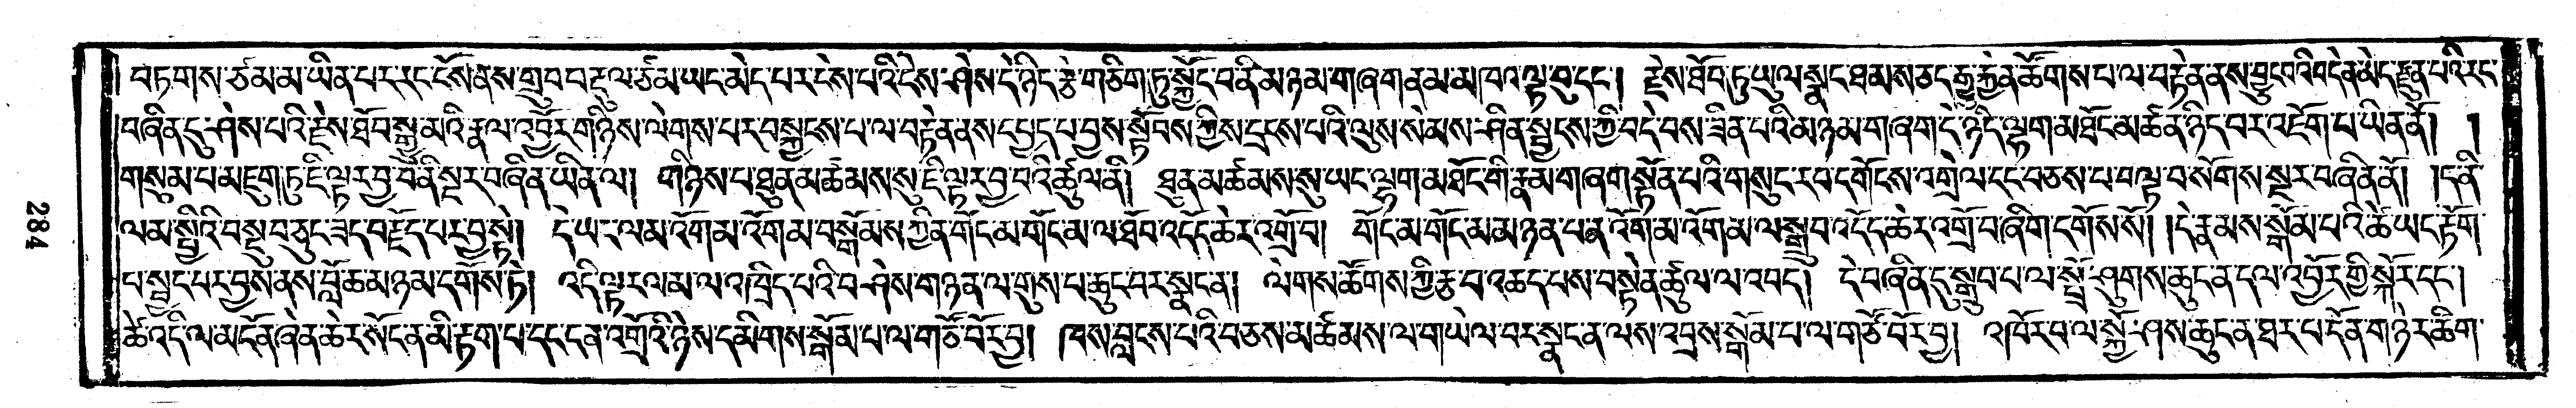བཏགས་ཙམ་མ་ཡིན་པར་རང་ངོས་ནས་གྲུབ་བརྡུལ་ཙམ་ཡང་མེད་པར་ངེས་པའི་ངེས་ཤེས་དེ་ཉིད་རྩེ་གཅིག་ཏུ་སྐྱོང་བ་ནི་མཉམ་གཞག་ནམ་མཁའ་ལྟ་བུ་དང་། རྗེས་ཐོབ་ཏུ་ཡུལ་སྣང་ཐམས་ཅད་རྒྱུ་རྐྱེན་ཚོགས་པ་ལ་བརྟེན་ནས་བྱུང་བའི་བདེན་མེད་རྫུན་པའི་རང་
བཞིན་དུ་ཤེས་པའི་རྗེས་ཐོབ་སྒྱུ་མའི་རྣལ་འབྱོར་གཉིས་ལེགས་པར་བསྐྱངས་པ་ལ་བརྟེན་ནས་དཔྱད་པ་བྱས་སྟོབས་ཀྱིས་དྲངས་པའི་ལུས་སེམས་ཤིན་སྦྱངས་ཀྱི་བདེ་བས་ཟིན་པའི་མཉེམ་གཞག་དེ་ཉིད་ལྷག་མཐོང་མཚན་ཉིད་བར་འཇོག་པ་ཡིན་ནོ། །
གསུམ་པ་མཇུག་ཏུ་ཇི་ལྟར་བྱ་བ་ནི་སྔར་བཞིན་ཡིན་ལ། གཉིས་པ་ཐུན་མཚམས་སུ་ཇི་ལྟར་བྱ་བའི་ཚུལ་ནི། ཐུན་མཚམས་སུ་ཡང་ལྷག་མཐོང་གི་རྣམ་གཞག་སྟོན་པའི་གསུང་རབ་དགོངས་འགྲེལ་དང་བཅས་པ་བལྟ་བ་སོགས་སྔར་བཞིན་ནོ། །ད་ནི་
ལམ་སྤྱིའི་བསྡུ་བ་ཅུང་ཟད་བརྗོད་པར་བྱ་སྟེ། དེ་ཡང་ལམ་འོག་མ་འོག་མ་བསྒོམས་ཀྱིན་གོང་མ་གོང་མ་ལ་ཐོབ་འདོད་ཆེར་འགྲོ་བ། གོང་མ་གོང་མ་མཉན་པ་ན་འོག་མ་ལ་སྒྲུབ་འདོད་ཆེར་འགྲོ་བ་ཞིག་དགོས་སོ། །དེ་རྣམས་སྒོམ་པའི་ཚེ་ཡང་རྟོག་
པ་སྦྱང་པར་བྱས་ནས་བློ་ཆ་མཉམ་དགོས་ཏེ། འདི་ལྟར་ལམ་ལ་འཁྲིད་པའི་བཤེས་གཉན་ལ་གུས་པ་ཆུང་བར་སྣང་ན། ལེགས་ཚོགས་ཀྱི་རྩ་བ་འཆད་པས་བསྟེན་ཚུལ་ལ་འབད། དེ་བཞིན་དུ་སྒྲུབ་པ་ལ་སྤྲོ་ཤུགས་ཆུང་ན་དལ་འབྱོར་གྱི་སྐོར་དང་།
ཚེ་འདི་ལ་མངོན་ཞེན་ཆེར་སོང་ན་མི་རྟག་པ་དང་ངན་འགྲོའི་ཉེས་དམིགས་སྒོམ་པ་ལ་གཙོ་བོར་བྱ། ཁས་བླངས་པའི་བཅས་མཚམས་ལ་གཡེལ་བར་སྣང་ན་ལས་འབྲས་སྒོམ་པ་ལ་གཙོ་བོར་བྱ། འཁོར་བ་ལ་སྐྱོ་ཤས་ཆུང་ན་ཐར་པ་དོན་གཉེར་ཚིག་